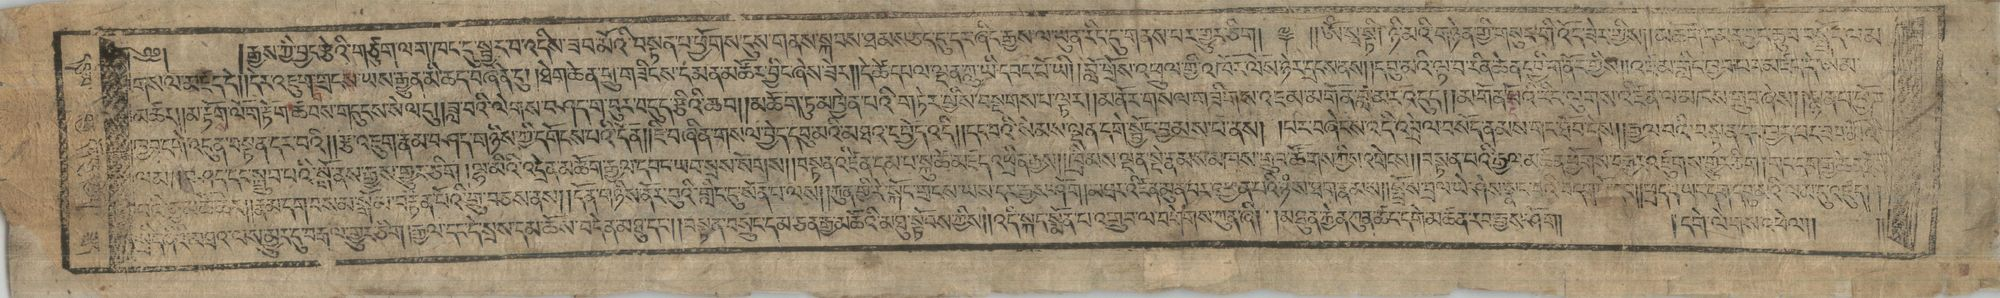༄༅། །རྒྱས་ཀྱི་བྱང་རྩེའི་གཙུག་ལག་ཁང་དུ་སྦྱར་བ་འདིས་ཟབ་མོའི་བསྟན་པ་ཕྱོགས་དུས་གནས་སྐབས་ཐམས་ཅད་དུ་དར་ཞིང་རྒྱས་ལ་ཡུན་རིང་དུ་གནས་པར་གྱུར་ཅིག ། ༈ །།ཨོཾ་སྭ་སྟི། ཉི་མའི་གཉེན་གྱི་གསུང་གི་འོད་ཟེར་གྱིས། །མཆོག་དམན་བྱང་ཆུབ་བསྒྲོདླམ་
གསལ་མཛད་དེ། །དེར་འཇུག་བགྲང་ཡས་རྒྱུན་མི་ཆད་བཞིན་དུ། །ཐེག་ཆེན་གྲུ་གཟིངྶྡྨན་མཚོར་བྱིང་ཞེས་ཟེར། །དེ་ཚེ་དཔལ་ལྡན་ཀླུ་ཡི་དབང་པོ་ཡི། །བློ་གྲོས་འཕྲུལ་གྱི་འཁོར་ལོས་ཉེར་དྲངས་ནས། །དབུ་མའི་ལྟ་བ་རིན་ཆེན་དབྱིགནོར་གྱིས། །འཛམ་གླིང་ཁྱབ་པར་མཛད་དེ་ཨེ་མ་
མཚར། །མ་རྟོགས་ལོག་རྟོག་ཚ་བས་གདུངས་སེལ་དུ། །ཟླ་བའི་ལེགས་བཤད་ག་བུར་བདུད་རྩིའི་ཆབ།།མཆོག་ཏུ་མཁྱེན་པའི་གཏེར་གྱིས་བསྔགས་པ་ལྟར། །མ་ནོར་གསལ་གཟིགས་འཇམ་མགོན་བླ་མར་འདུད། །མགོན་དེའི་རིང་ལུགས་འཛིན་ལ་མཁས་གྲུབ་ཞེས། །སྙན་པ་ཕྱོཌ་
ཁྱབ་དགེ་འདུན་བསྟན་དར་བའི། །རྩ་འཇུག་རྣམ་བཤད་གཉིས་ཀྱི་དགོངས་པའི་དོན། །ཇི་བཞིན་གསལ་བྱེད་དབུ་མའི་མཐའ་དཔྱོད་འདི། །དང་བའི་སེམས་ལྡན་དགེ་སྦྱོང་བྱམས་པ་ནས། །བར་བཞེངས་འདི་འབྲེལ་བསོད་ནམས་གང་ཐོབ་དེས། །རྒྱལ་བའི་བསྟན་དང་ཁྱད་པར་ཟབ་མོའི་
ལམ། །བཤད་དང་སྒྲུབ་པའི་སྒོ་ནས་རྒྱས་གྱུར་ཅིག །ལྷ་མིའི་འདྲེན་མཆོག་རྒྱལ་དབང་ཡབ་སྲས་སོགས། །བསྟན་འཛིན་དམ་པ་སྐུ་ཚེ་མཛད་འཕྲིན་རྒྱས། །ཁྲིམས་ལྡན་སྡེ་རྣམས་མཁས་གྲུབ་ཚོགས་ཀྱིས་འགེངས།།བསྟན་པའི་རྒྱལ་མཚན་ཕྱོགས་བརྒྱར་འཛུགསྒྱུར་ཅིག །གང་དག་རྒྱ་ཆེན་ཐོས་
པའི་རྒྱ་མཚོ་ཆེར། །རྣམ་དག་བསམ་སྒོམ་བརྟན་པོའི་གྲུ་བཅས་ནས། །དོན་གཉིས་ནོར་བུའི་གླིང་དུ་སོན་པ་ལས། །ཀུན་གྱི་རེ་སྐོང་གྲངས་ཡས་དར་རྒྱས་ཤོག །མཐར་འཛིན་མུན་པར་འཕྱིན?་པའི་ཉཾས་ཐག་རྣམས། །སྤྲོས་བྲལ་ཡེ་ཤེས་སྣང་བའི་བདག་པོ་དང་། །ཕྲད་དེ་ཡང་དག་དབུ་མའི་ལམ་དུ་འཛུད། །
སྲིད་ཞིའི་མཐའ་ལས་མྱུར་དུ་བརྒལ་གྱུར་ཅིག །རྒྱལ་དང་དེ་སྲས་དམ་ཆོས་བདེན་མཐུ་དང་། །བསྟན་བསྲུང་དམ་ཅན་རྒྱ་མཚོའི་མཐུ་སྟོབས་ཀྱིས། །འདི་སྐད་སྨོན་པ་འགྲུབ་ལ་བགེགསྐུན་ཞི། །མཐུན་རྐྱེན་ཀུན་ཚང་དགེ་མཚན་རབ་རྒྱས་ཤོག ། །དགེ་ལེགས་འཕེལ།། །། བ་